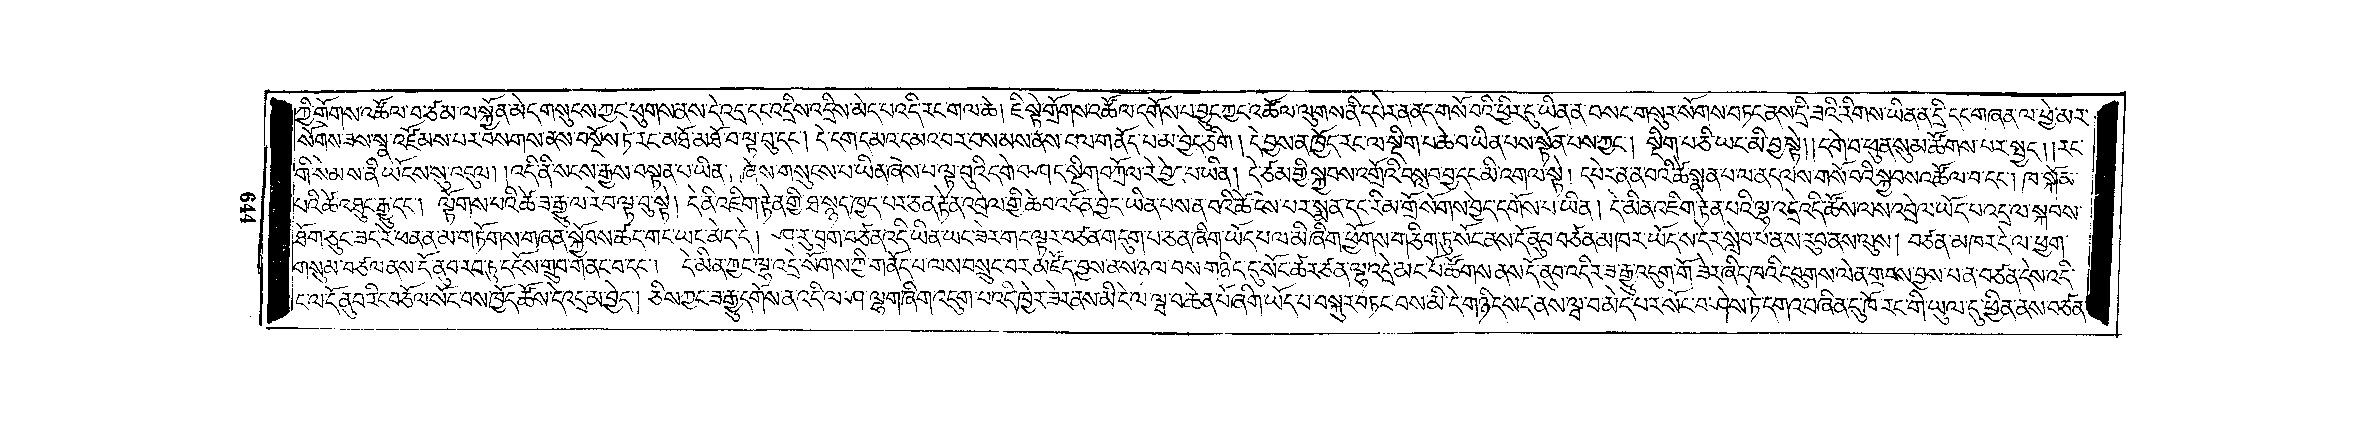ཀྱི་གྲོགས་འཚོལ་བ་ཙམ་ལ་སྐྱོན་མེད་གསུངས་ཀྱང་ཕུགས་ནས་དེ་འདྲ་དང་འདྲིས་འདྲིས་མེད་པ་འདི་རང་གལ་ཆེ། ཇི་སྟེ་གྲོགས་འཚོལ་དགོས་པ་བྱུང་ཀྱང་འཚོལ་ལུགས་ནི་དཔེར་ན་ནད་གསོ་བའི་ཕྱིར་དུ་ཡིན་ན་བསང་གསུར་སོགས་བཏང་ནས་དྲི་ཟའི་རིགས་ཡིན་ན་དྲི་དང་གཞན་ལ་ཕྱེ་མར་
སོགས་ཟས་སྣ་འཛོམས་པར་བསགས་ནས་བསྔོས་ཏེ་རང་མཐོ་མཐོ་བ་ལྟ་བུ་དང་། དེ་དག་དམའ་དམའ་བར་བསམས་ནས་ང་ལ་གནོད་པ་མ་བྱེད་ཅིག །དེ་བྱས་ན་ཁྱོད་རང་ལ་སྡིག་པ་ཆེ་བ་ཡིན་པས་སྟོན་པས་ཀྱང་། སྡིག་པ་ཅི་ཡང་མི་བྱ་སྟེ། །དགེ་བ་ཕུན་སུམ་ཚོགས་པར་སྤྱད། །རང་
གི་སེམས་ནི་ཡོངས་སུ་འདུལ། །འདི་ནི་སངས་རྒྱས་བསྟན་པ་ཡིན། །ཞེས་གསུངས་པ་ཡིན་ཞེས་པ་ལྟ་བུའི་དགེ་བཤད་སྡིག་བཀྲོལ་རེ་བྱེད་པ་ཡིན། དེ་ཙམ་གྱི་སྐྱབས་འགྲོའི་བསླབ་བྱ་དང་མི་འགལ་སྟེ། དཔེར་ན་ན་བའི་ཚེ་སྨན་པ་ལ་ནད་ལས་གསོ་བའི་སྐྱབས་འཚོལ་བ་དང་། ཁ་སྐོམ་
པའི་ཚེ་འཐུང་རྒྱུ་དང་། ལྟོགས་པའི་ཚེ་ཟ་རྒྱུ་ལ་རེ་བ་ལྟ་བུ་སྟེ། དེ་ནི་འཇིག་རྟེན་གྱི་ཐ་སྙད་ཁྱད་པར་ཅན་རྟེན་འབྲེལ་གྱི་ཆེ་བ་འདོན་བྱེད་ཡིན་པས་ན་བའི་ཚེ་ངེས་པར་སྨན་དང་རིམ་གྲོ་སོགས་བྱེད་དགོས་པ་ཡིན། དེ་མིན་འཇིག་རྟེན་པའི་ལྷ་འདྲེ་འདི་ཚོས་ལས་འབྲེལ་ཡོད་པ་འདྲ་ལ་སྐབས་
ཐོག་ཅུང་ཟད་རེ་ཕན་ན་མ་གཏོགས་གཞན་སྐྱོབས་ཚད་གང་ཡང་མེད་དེ། ཤ་རུ་བྲག་བཙན་འདི་ཡིན་ཡང་ཟེར་གང་ལྟར་བཙན་གདུག་པ་ཅན་ཞིག་ཡོད་པ་ལ་མི་ཞིག་ཕྱོགས་གཅིག་ཏུ་སོང་ནས་དོ་ནུབ་བཙན་མཁར་ཡོད་ས་དེར་སླེབ་པ་ན་ས་རུབ་ནས་ལུས། བཙན་མཁར་དེ་ལ་ཕྱག་
གསུམ་བཙལ་ནས་དོ་ནུབ་རབ་ཏུ་དངོས་གྲུབ་གནང་བ་དང་། དེ་མིན་ཀྱང་ལྷ་འདྲེ་སོགས་ཀྱི་གནོད་པ་ལས་བསྲུང་བར་མཛོད་བྱས་ནས་ཉལ་བས་གཉིད་དུ་སོང་ཚར་ཙ་ན་ལྷ་འདྲེ་མང་པོ་ཚོགས་ནས་དོ་ནུབ་འདིར་ཟ་རྒྱུ་འདུག་གོ་ཟེར་ཞིང་ཁའི་དབུགས་ལེན་གྲབས་བྱས་པ་ན་བཙན་དེས་འདི་
ང་ལ་དོ་ནུབ་རིང་བཅོལ་སོང་བས་ཁྱོད་ཚོས་དེ་འདྲ་མ་བྱེད། ཅིས་ཀྱང་ཟ་རྒྱུ་དགོས་ན་འདི་ལ་ཤ་ལྷག་ཞིག་འདུག་པ་འདི་ཁྱེར་ཟེར་ནས་མི་དེ་ལ་ལྦ་བ་ཆེན་པོ་ཞིག་ཡོད་པ་བསྐུར་བཏང་བས་མི་དེ་གཉིད་སད་ནས་ལྦ་བ་མེད་པར་སོང་བ་ཤེས་ཏེ་དགའ་བཞིན་དུ་ཁོ་རང་གི་ཡུལ་དུ་ཕྱིན་ནས་བཙན་